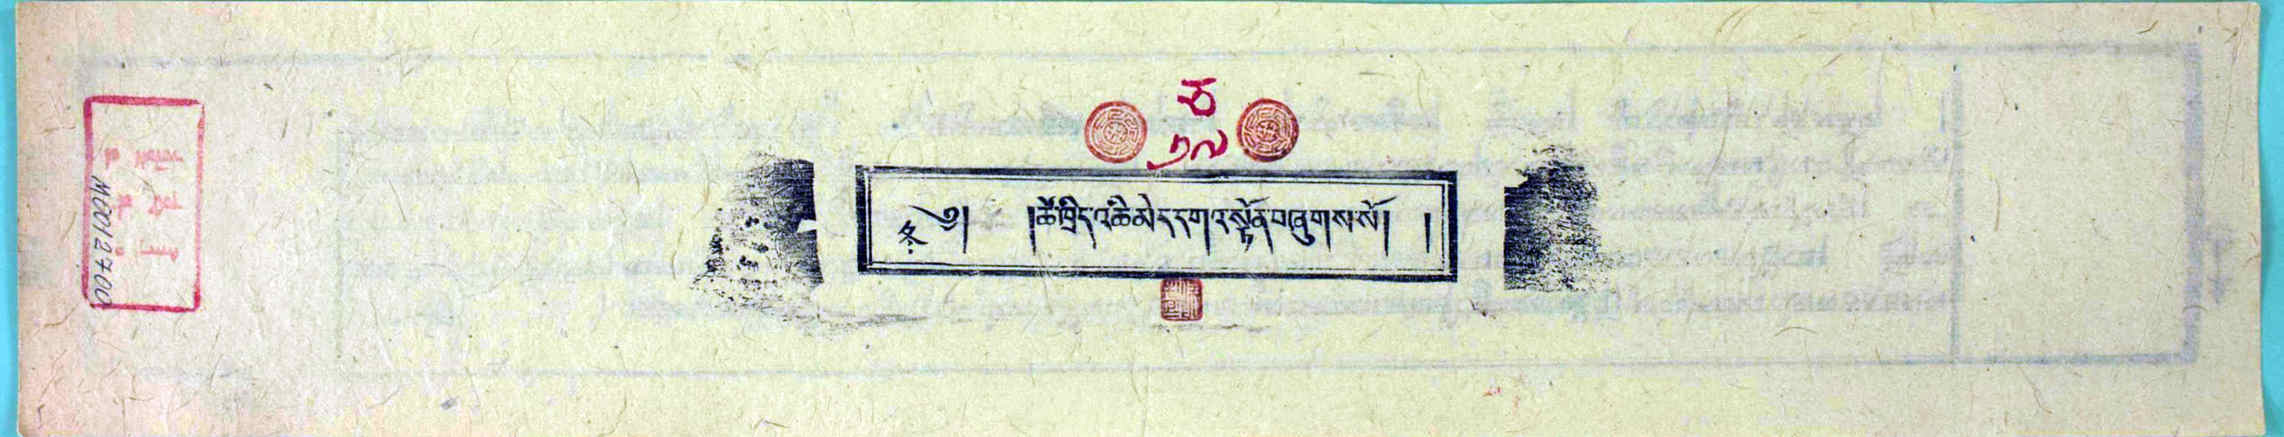༄༅། །ཚེ་ཁྲིད་འཆི་མེད་དགའ་སྟོན་བཞུགས་སོ།